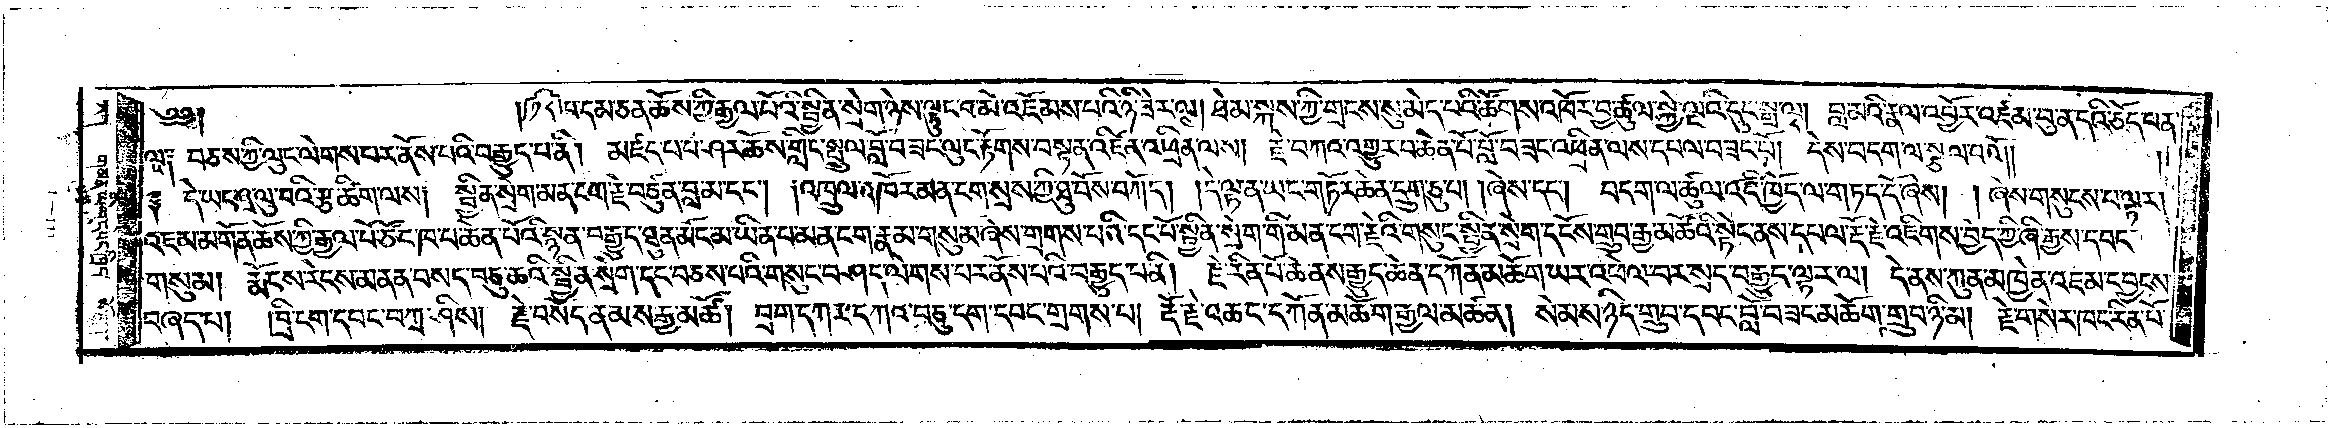༄༅། །༼༡༨༽ པ་དམ་ཅན་ཆོས་ཀྱི་རྒྱལ་པོའི་སྦྱིན་སྲེག་ཉེས་ལྟུང་བ་མེ་འཇོམས་པའི་ཉི་ཟེར་ལ ༤། ཐེམ་སྐས་ཀྱི་གྲངས་སུ་མེད་པའི་ཚོགས་འཁོར་བྱ་ཚུལ་སྐྱེ་ལྔའི་དུང་སྒྲ་ལ ༨། བླ་མའི་རྣལ་འབྱོར་འཛམ་བུ་ན་དའི་ཅོད་པན་
ལ ༥༑ བཅས་ཀྱི་ལུང་ལེགས་པར་ནོས་པའི་བརྒྱུད་པ་ནི། མཛད་པ་པ་ཤར་ཆོས་གླིང་སྤྲུལ་བློ་བཟང་ལུང་རྟོགས་བསྟན་འཛིན་འཕྲིན་ལས། རྗེ་བཀའ་འགྱུར་བ་ཆེན་པོ་བློ་བཟང་འཕྲིན་ལས་དཔལ་བཟང་པོ། དེས་བདག་ལ་སྩལ་བའོ།། །།
༈ དེ་ཡང་ཞྭ་ལུ་བའི་རྩ་ཚིག་ལས། སྦྱིན་སྲེག་མན་ངག་རྗེ་བཙུན་བླ་མ་དང་། །འཁྲུལ་འཁོར་མན་ངག་སྲས་ཀྱི་ཐུ་བོས་བཀོད། །དེ་ལྟ་ན་ཡང་གཏོར་ཆེན་དྲུག་ཅུ་པ། །ཞེས་དང་། བདག་ལ་ཚུལ་འདི་ཁྱོད་ལ་གཏད་དོ་ཞེས། །ཞེས་གསུངས་པ་ལྟར།
འཇམ་མགོན་ཆོས་ཀྱི་རྒྱལ་པོ་ཙོང་ཁ་པ་ཆེན་པོའི་སྙན་བརྒྱུད་ཐུན་མོང་མ་ཡིན་པ་མན་ངག་རྣམ་གསུམ་ཞེས་གྲགས་པའི་དང་པོ་སྦྱིན་སྲེག་གི་མན་ངག་རྗེའི་གསུང་སྦྱིན་སྲེག་དངོས་གྲུབ་རྒྱ་མཚོའི་སྟེང་ནས་དཔལ་རྡོ་རྗེ་འཇིགས་བྱེད་ཀྱི་ཞི་རྒྱས་དབང་
གསུམ། རྨོངས་རེངས་མནན་བསད་བཅུ་ཆའི་སྦྱིན་སྲེག་དང་བཅས་པའི་གསུང་བཤད་ལེགས་པར་ནོས་པའི་བརྒྱུད་པ་ནི། རྗེ་རིན་པོ་ཆེ་ནས་རྒྱུད་ཆེན་དཀོན་མཆོག་ཡར་འཕེལ་བར་སྲད་བརྒྱུད་ལྟར་ལ། དེ་ནས་ཀུན་མཁྱེན་འཇམ་དབྱངས་
བཞད་པ། ཁྲི་ངག་དབང་བཀྲ་ཤིས། རྗེ་བསོད་ནམས་རྒྱ་མཚོ། བྲག་དཀར་དཀའ་བཅུ་དག་དབང་གྲགས་པ། རྡོ་རྗེ་འཆང་དཀོན་མཆོག་རྒྱལ་མཚན། སེམས་ཉིད་གྲུབ་དབང་བློ་བཟང་མཆོག་གྲུབ་ཉི་མ། རྗེ་གསེར་ཁང་རིན་པོ་